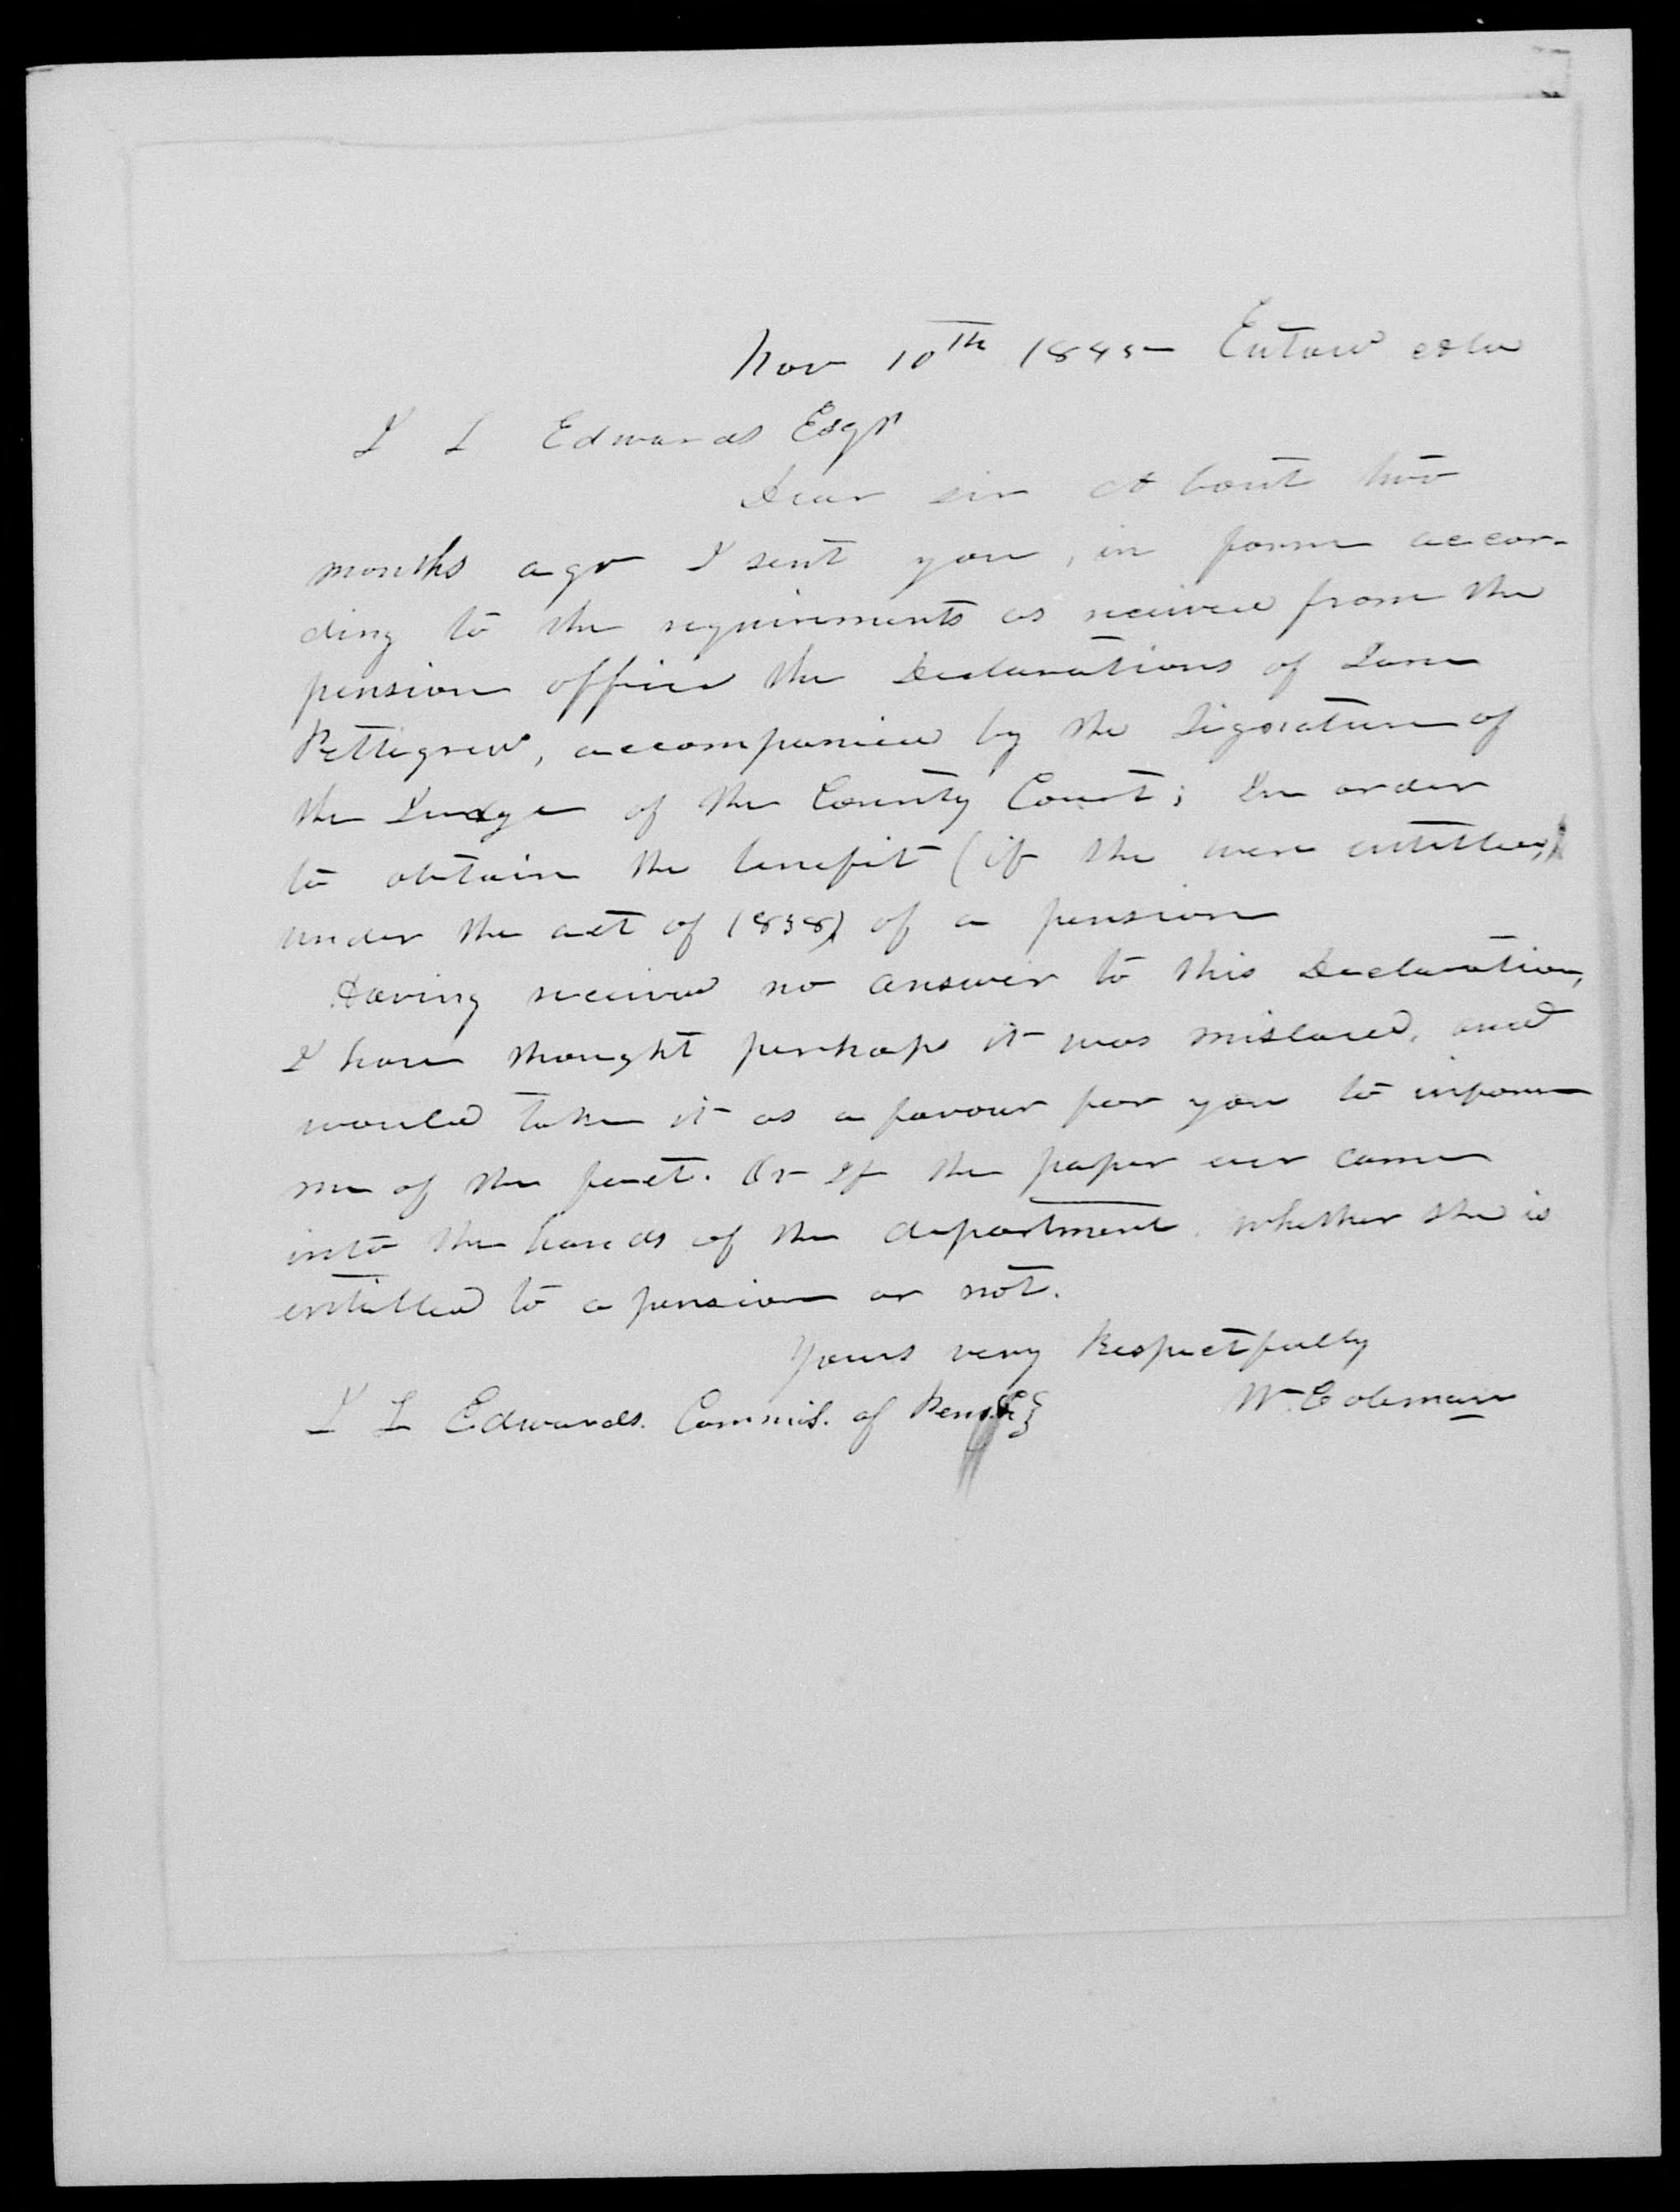Nov 10th 1845 Eutaw Co
J. L. Edwards Esq

Dear sir 

About two
months ago I sent you, in form according
to the requirements as received from the
pension office the Declarations of Jane
Pettigrew, accompanied by the signature of
the Judge of the County Court; in order
to obtain the benefit (if she were entitle
under the act of 1838) of a pension
Having received no answer to this Declaration,
& have thought perhaps it was mis[illegible] and
would take it as a favour for you to inform
me of the fact. Or if the paper[illegible]came
into the hands of the department, whether she is entitled to a pension or not

Yours very Respectfully
W. Coleman


J.L . Edwards CommisS  of Pens.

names: J L Edwards; Jane Pettigrew; W Coleman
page: 49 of 92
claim: widow's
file: W. 5522, for James Pettigrew, South Carolina